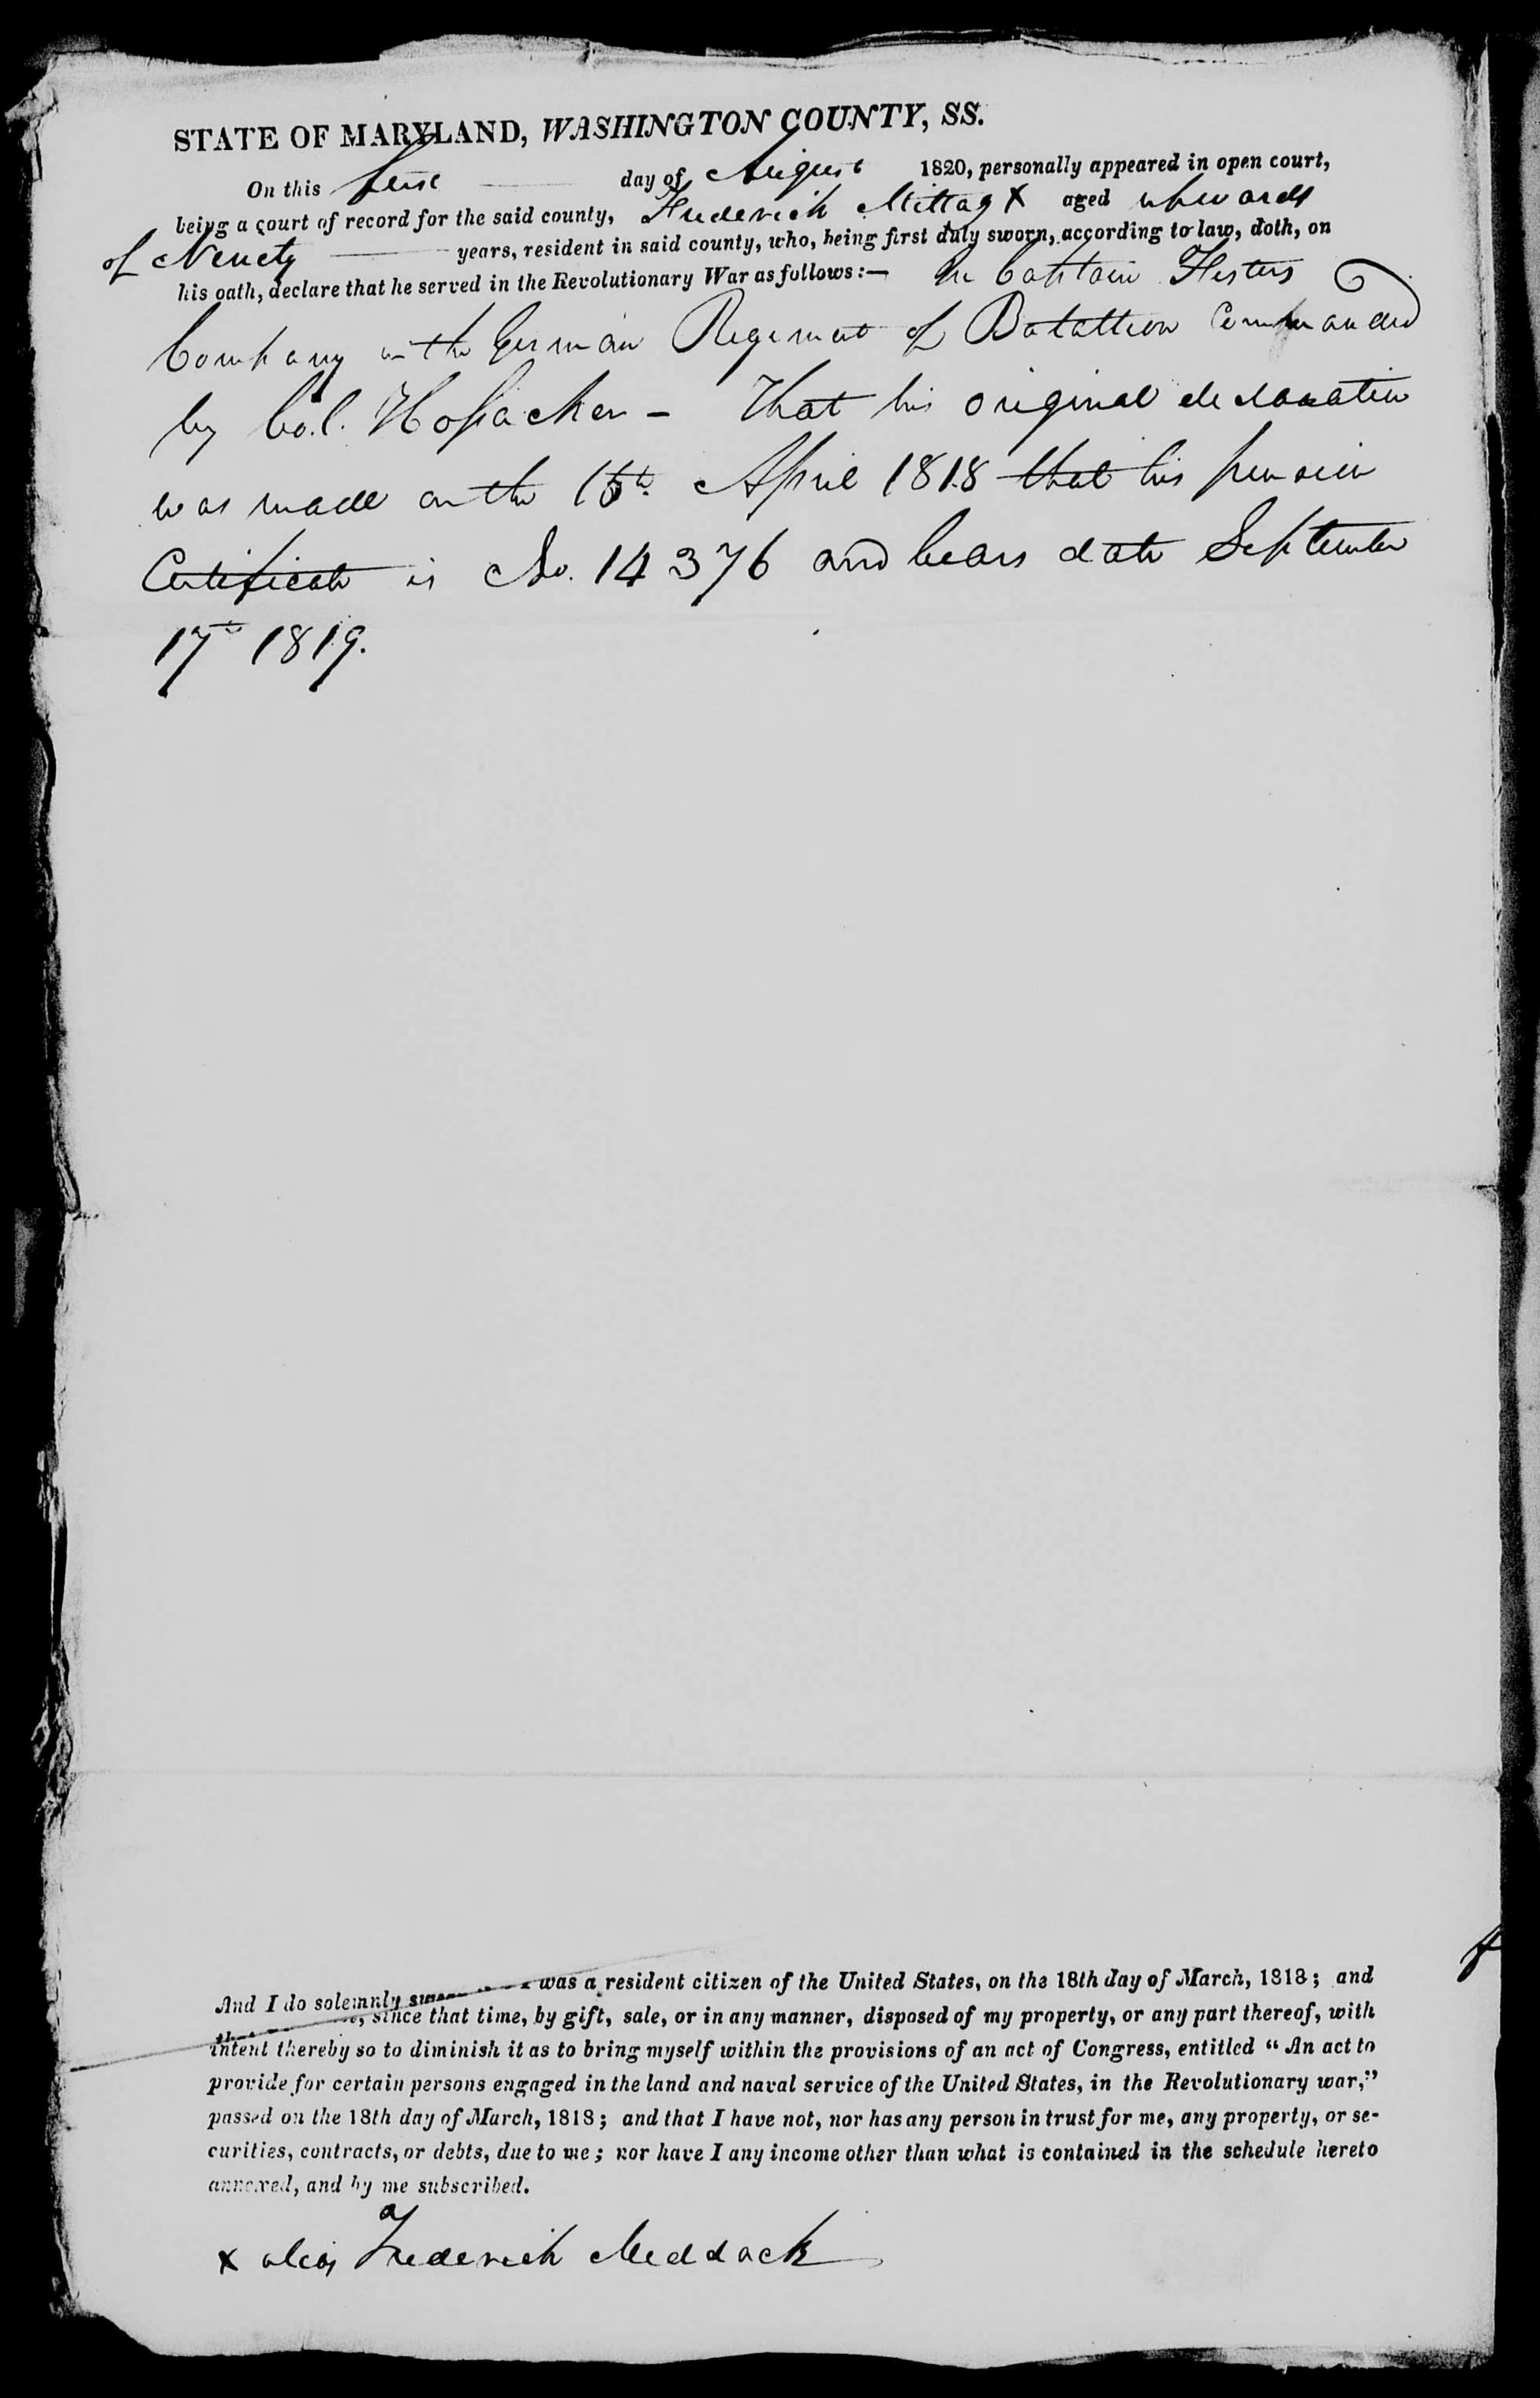STATE OF MARYLAND, WASHINGTON COUNTY, SS.

On this first day of August 1820, personally appeared in open court, being a court of record for the said county, Frederick Mittag X aged upwards of Ninety years, resident in said county, who, being first duly sworn, according to law, doth, on his oath, declare that he served in the Revolutionary War as follows :-- The Captain Fisters Company in the German Regiment of Batallion Commanded by Col. Hossacker_ That his original declaration was made on the 16th April 1818 that his pension Certificate is S. 14376 and bears date September 17th 1819.

And I do solemnly [swear that I] was a resident citizen of the United States, on the 18th day of March, 1818; and [that I have not], since that time, by gift, sale, or in any manner, disposed of my property, or any part thereof, with intent thereby so to diminish it as to bring myself within the provisions of an act of Congress, entitled "An act to provide for certain persons engaged in the land and naval service of the United States, in the Revolutionary war," passed on the 18th day of March, 1818; and that I have not, nor has any person in trust for me, any property, or securities, contracts, or debts, due to me; nor have I any income other than what is contained in the schedule hereto annexed, and by me subscribed.

x [illegible] Frederick Meddack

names: Frederick Mittag; Frederick Meddack; [BLANK] Hossacker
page: 8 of 13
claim: survivor's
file: S. 34999, for Frederick Mittag, Maryland